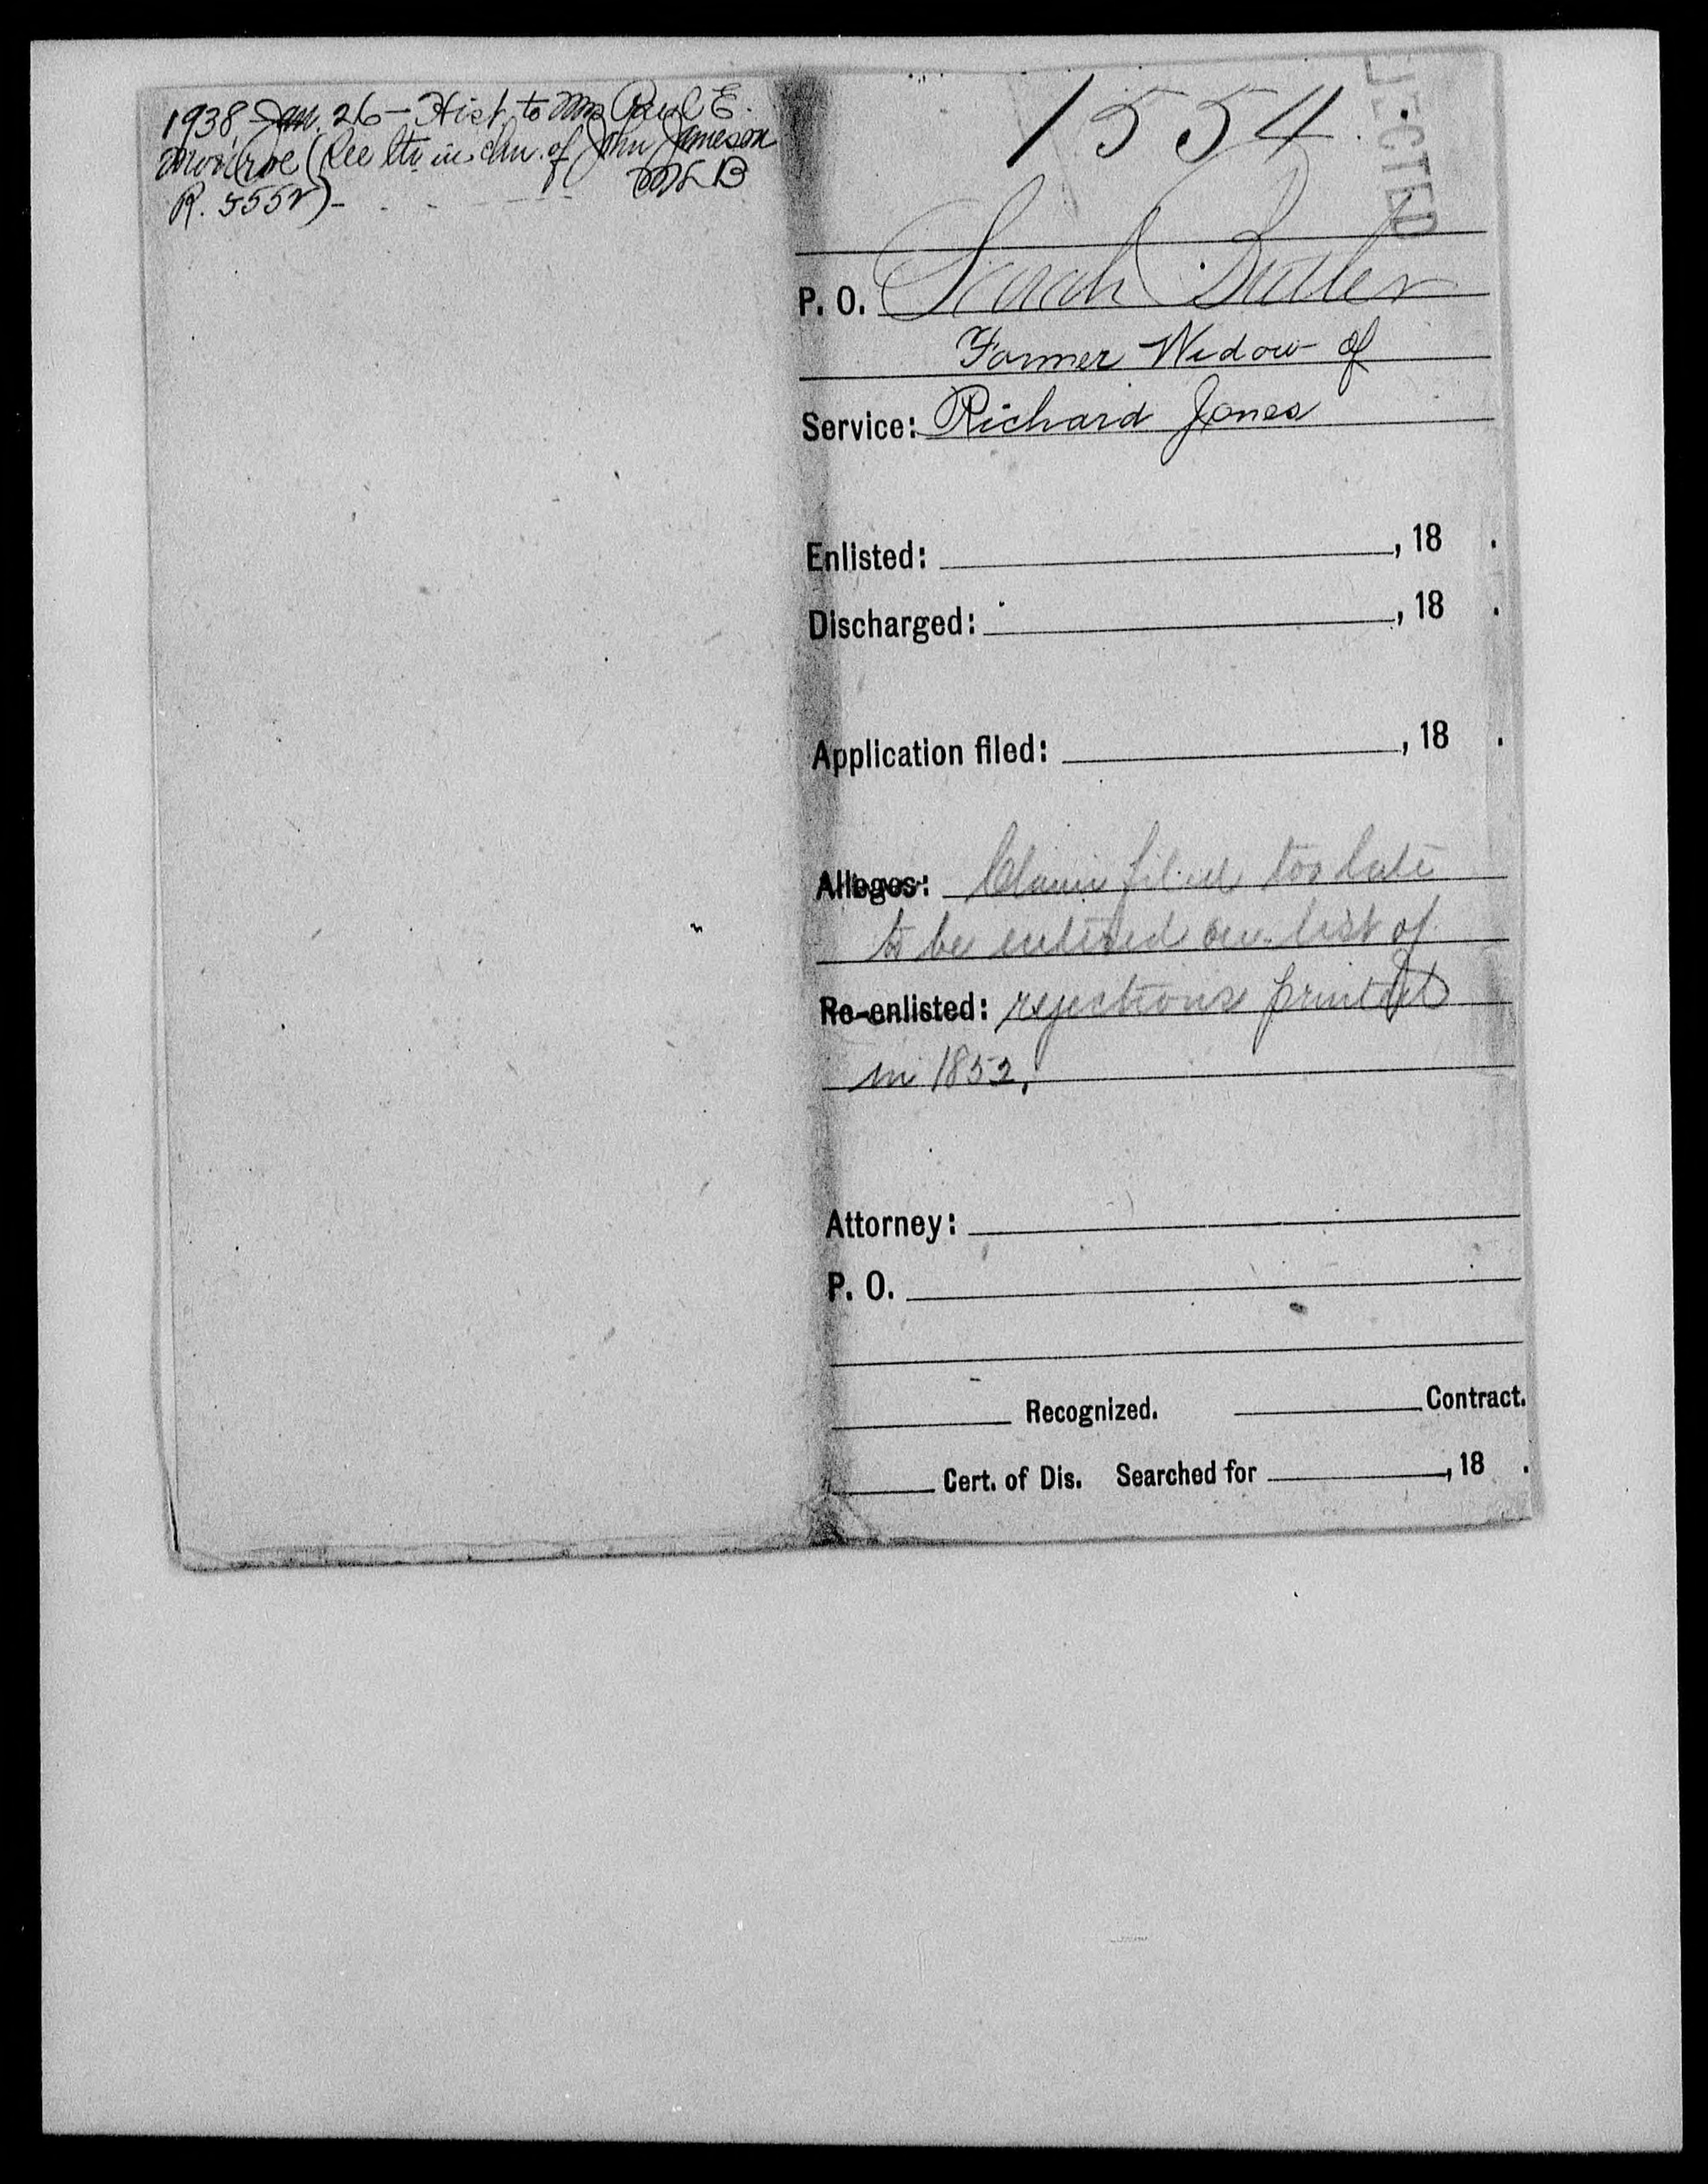1554
REJECTED
Sarah Butler
Former Widow of
Richard Jones
P.O.  [blank]
Service:  [blank]
Enlisted:  [blank date]
Discharged:  [blank date]
Application filed:  [blank date]
Alleges:  Claim filed too late
to be entered on list of 
rejections printed 
in 1852.
Re-enlisted:  [blank]
Attorney:  [blank]
P.O.  [blank]
[blank] Recognized.  [blank] Contract.
[blank] Cert. of Dis.  Searched for [blank date]


[notes on the upper right side]
1938 Jan. 26 - Hist to Mrs. Paul E. 
Monroe (see ltr in clm of John Jameson
R. 5552) . . . . . . MLB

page: 13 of 33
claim: rejected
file: R. 1554, for Richard Jones, North Carolina